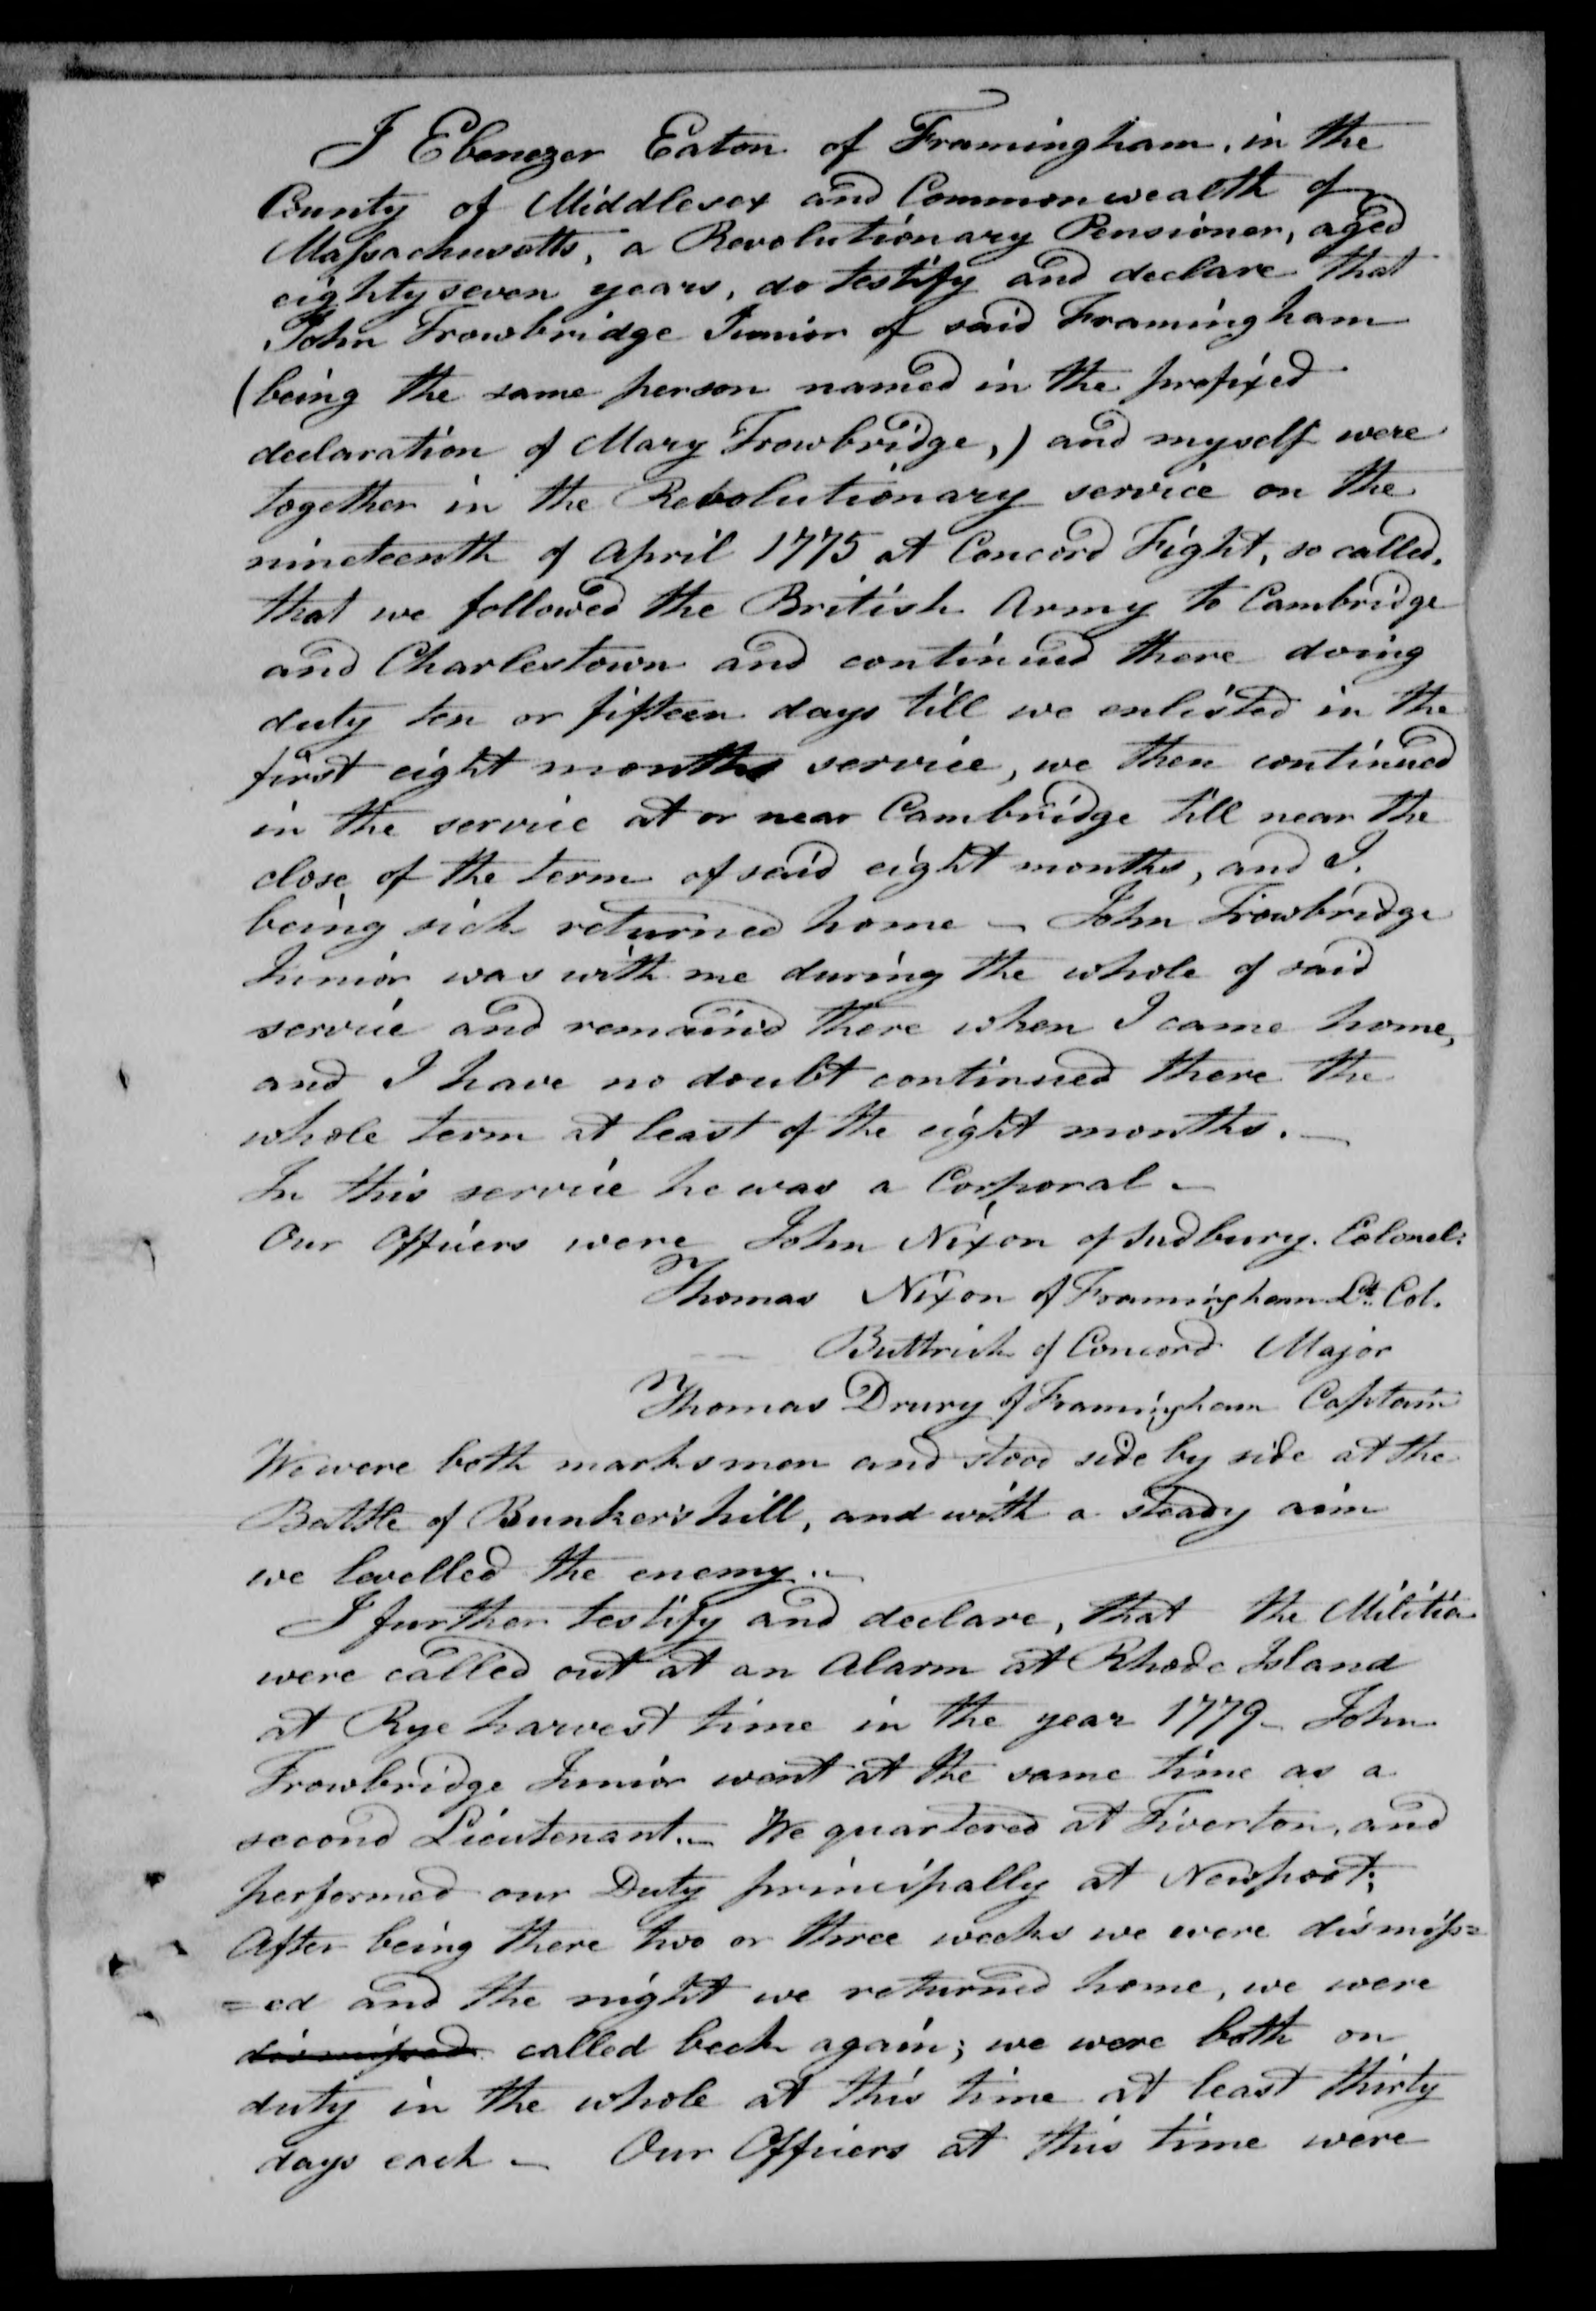I Ebenezer Eaton of Framingham in the
County of Middlesex and Commonwealth of
Massachusetts, a Revolutionary Pensioner, aged
eighty seven years, do testify and declare that
John Trowbridge Junior of said Framingham
(being the same person named in the prefixed
declaration of Mary Trowbridge,) and myself were
together in the Revolutionary service on the
nineteenth of April 1775 at Concord fight, so called
that we followed the British Army to Cambridge
and Charlestown and continued there doing
duty ten or fifteen days till we enlisted in the
first eight months service, we then continued
in the service at or near Cambridge till near the
close of the term of said eight months, and I
being sick returned home - John Trowbridge
Junior was with me during the whole of said
service and remained there when I came home
and I have no doubt continued there the
whole term at least of the eight months.
In this service he was a Corporal
Our officers were John Nixon of Sudbury, Colonel 
Thomas Nixon of Framingham, Lt. Col. 
Buttrick of Concord, Major 
Thomas Drury of Framingham, Captain
We were both marksmen and stood side by side at the
Battle of Bunker's hill, and with a steady aim
we levelled the enemy
I further testify and declare, that the Militia
were called out at an alarm at Rhode Island
at Rye harvest time in the year 1779. John
Trowbridge Junior went at the same time as a
second Lieutenant. We quartered at Tiverton, and
performed our duty principally at Newport
After being there two or three weeks we were dismissed
and the night we returned home, we were
called back again, we were both on
duty in the whole at this time at least thirty
days each. Our Officers at this time were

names: Thomas Drury, Buttrick, Ebenezer Eaton, John Trowbridge, John Trowbridge, Thomas Nixon, John Trowbridge, Mary Trowbridge, John Nixon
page: 8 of 34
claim: widow's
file: W. 15439, John Trowbridge, Mass.